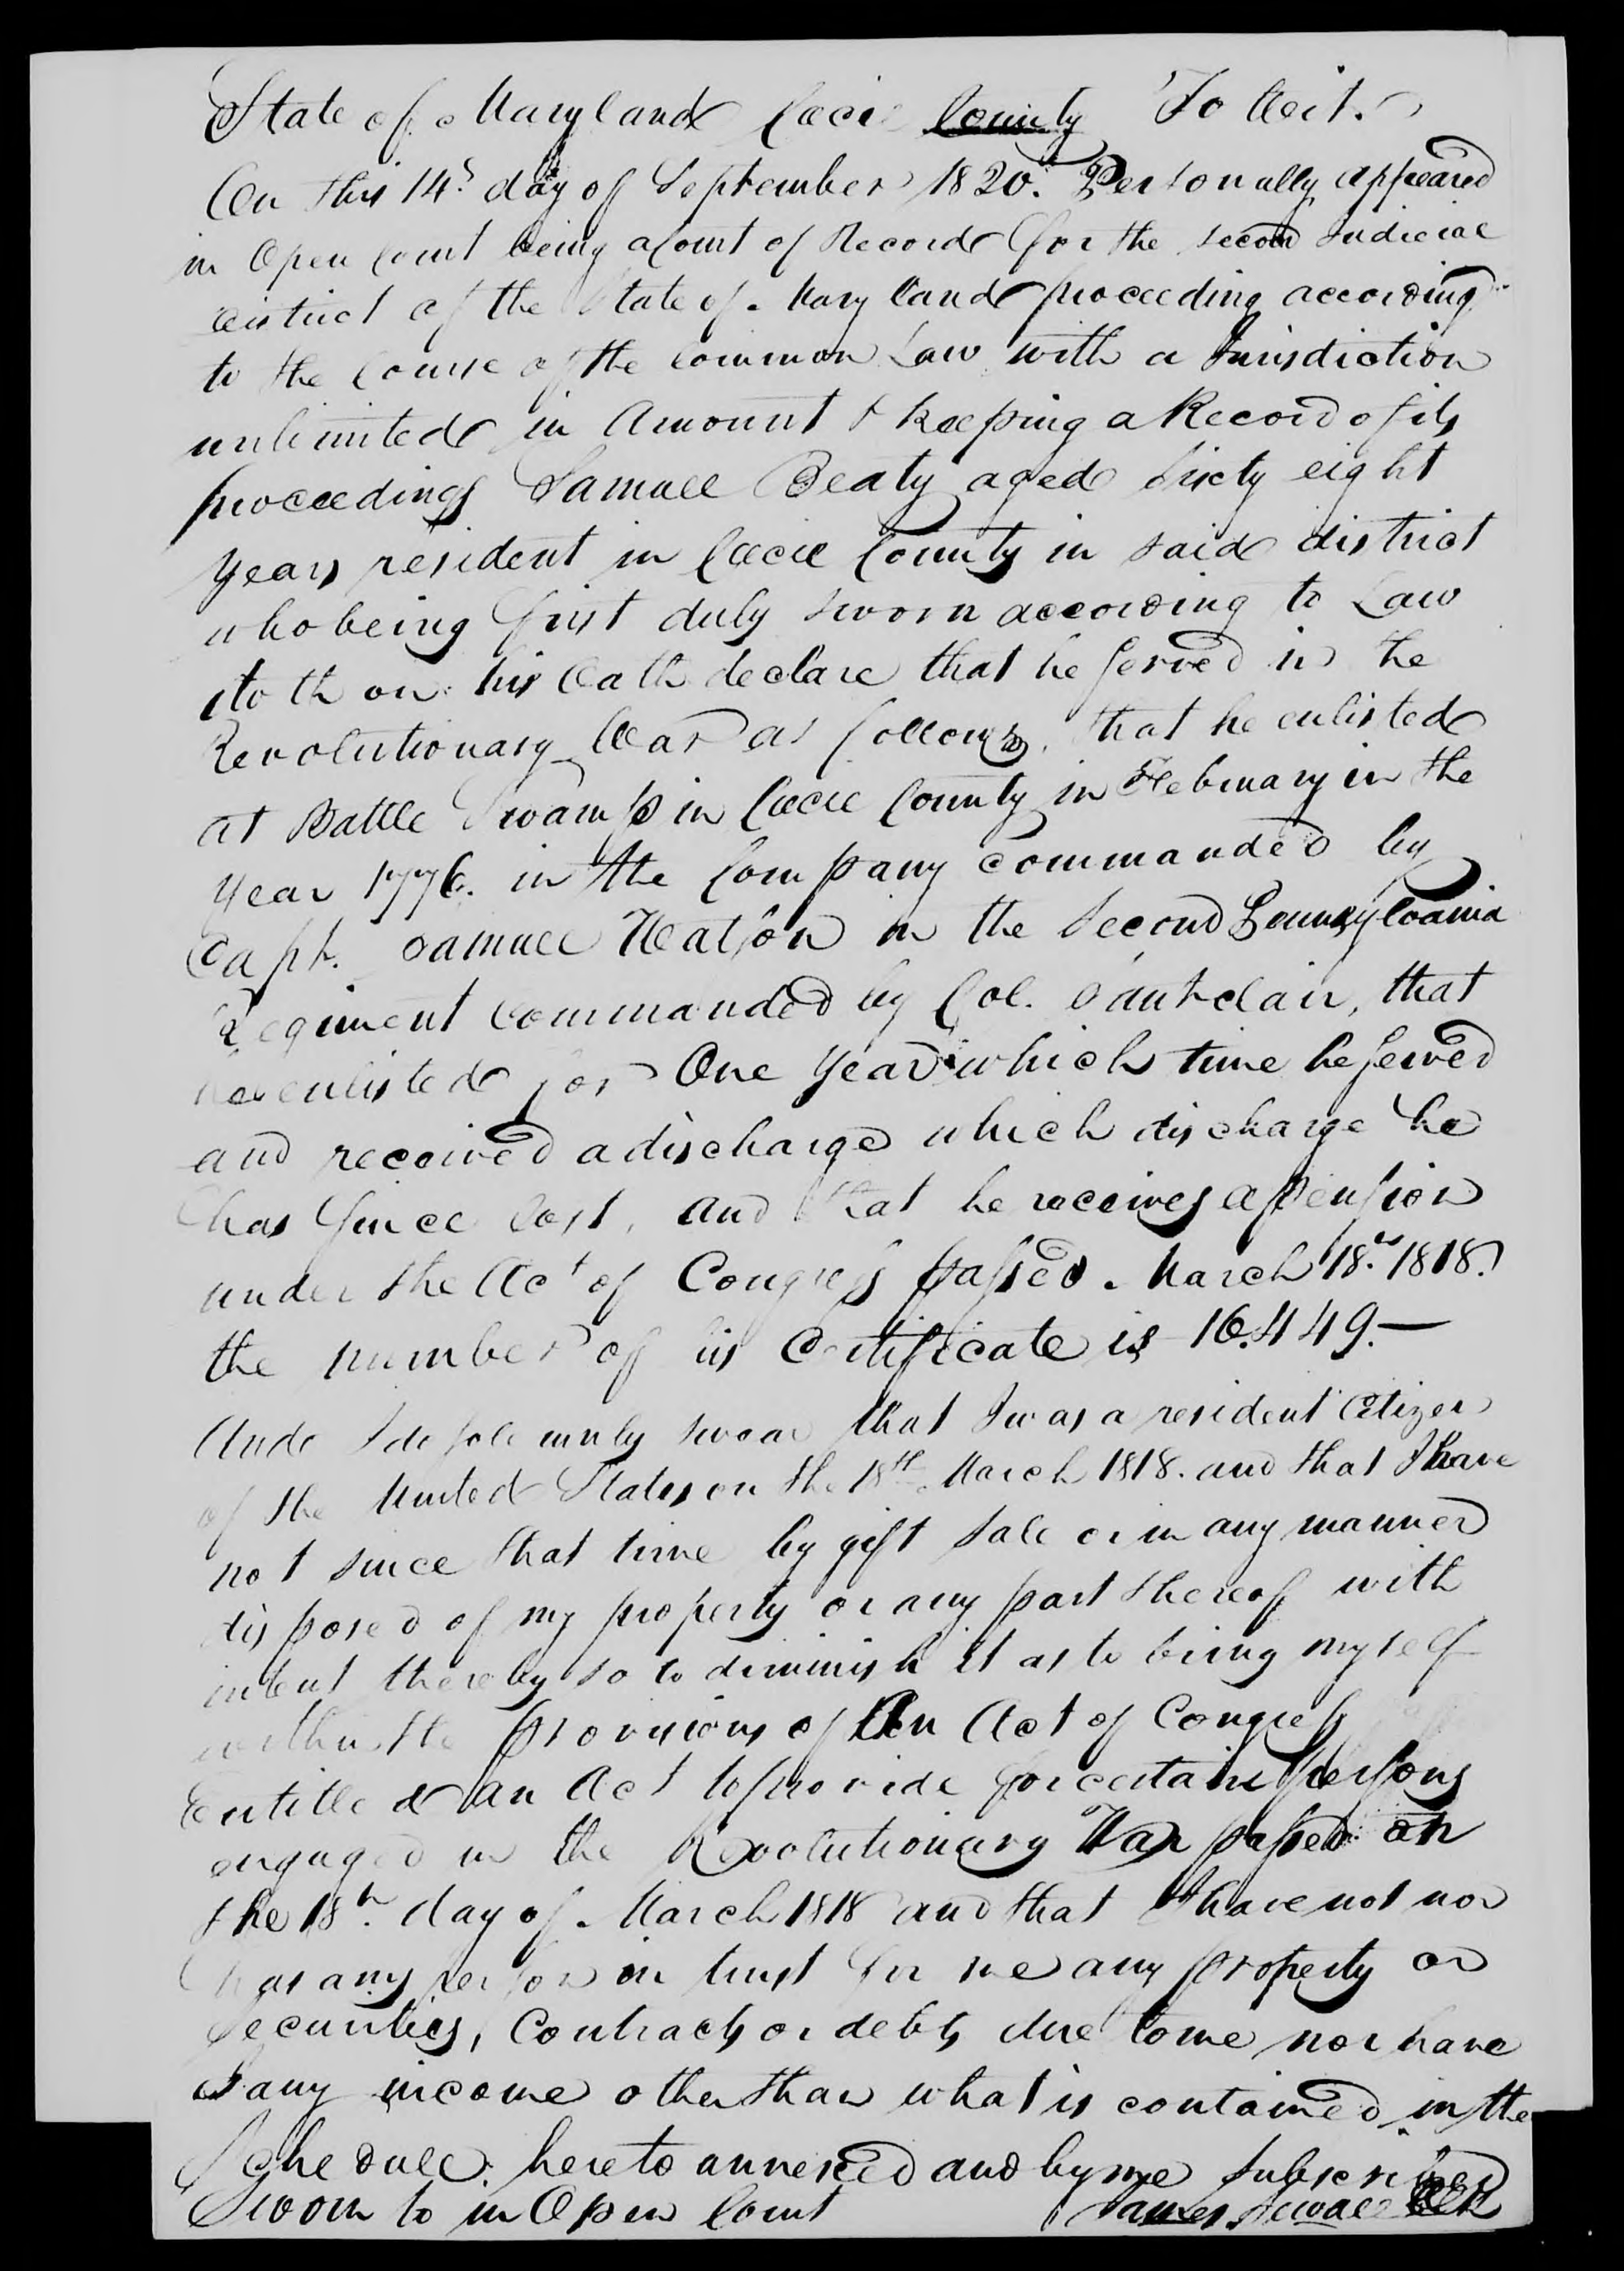State of Maryland Cecil County To [unreadable]
On this 14th day of September 1820. Personally appeared in open court being a court of record for the second judicial district of the state of Maryland proceeding according to the Court of the common Law with a Jurisdiction unlimited in amount of keeping a Record of its proceedings Samuel Beaty aged sixty eight years resident in Cecil County in said district who being first duly sworn according to Law doth on his Oath declare that he served in the Revolutionary War as follows. That he enlisted at Battle Swamp in Cecil County in February in the year 1776 in the Company commanded by Capt Samuel Watson in the Second Pennsylvania Regiment commanded by  Col Saintclair, that he enlisted for One Year which time he served and received a discharge which discharge he has since lost and that he receives a petition under the Act of Congress dated March 18th 1818. The number of this certificate is 16.449
And I do solemley swear that I was a resident citizen of the United States on the 18th March 1818 and that I have not since that time by gift sale or in any manner disposed of my property or any part thereof with intent thereby to dimmish it or to bring myself within the provisions of the Act of Congress Entitled an Act to  provide for certain persons engaged in the Revolutionary War passed on the 18th day of March 1818 and that I have not nor that any person in trust for me any property or securities, contracts or debt, due to me nor have I any income other than what is contained in the schedule hereto annexed and by me sworn to in open court.
Subscriber James [unreadable]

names: Samuel Beaty, Samuel Watson, Santclair, James Sewall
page: 7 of 31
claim: survivor's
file: S. 34646, Samuel Beaty, Penn.